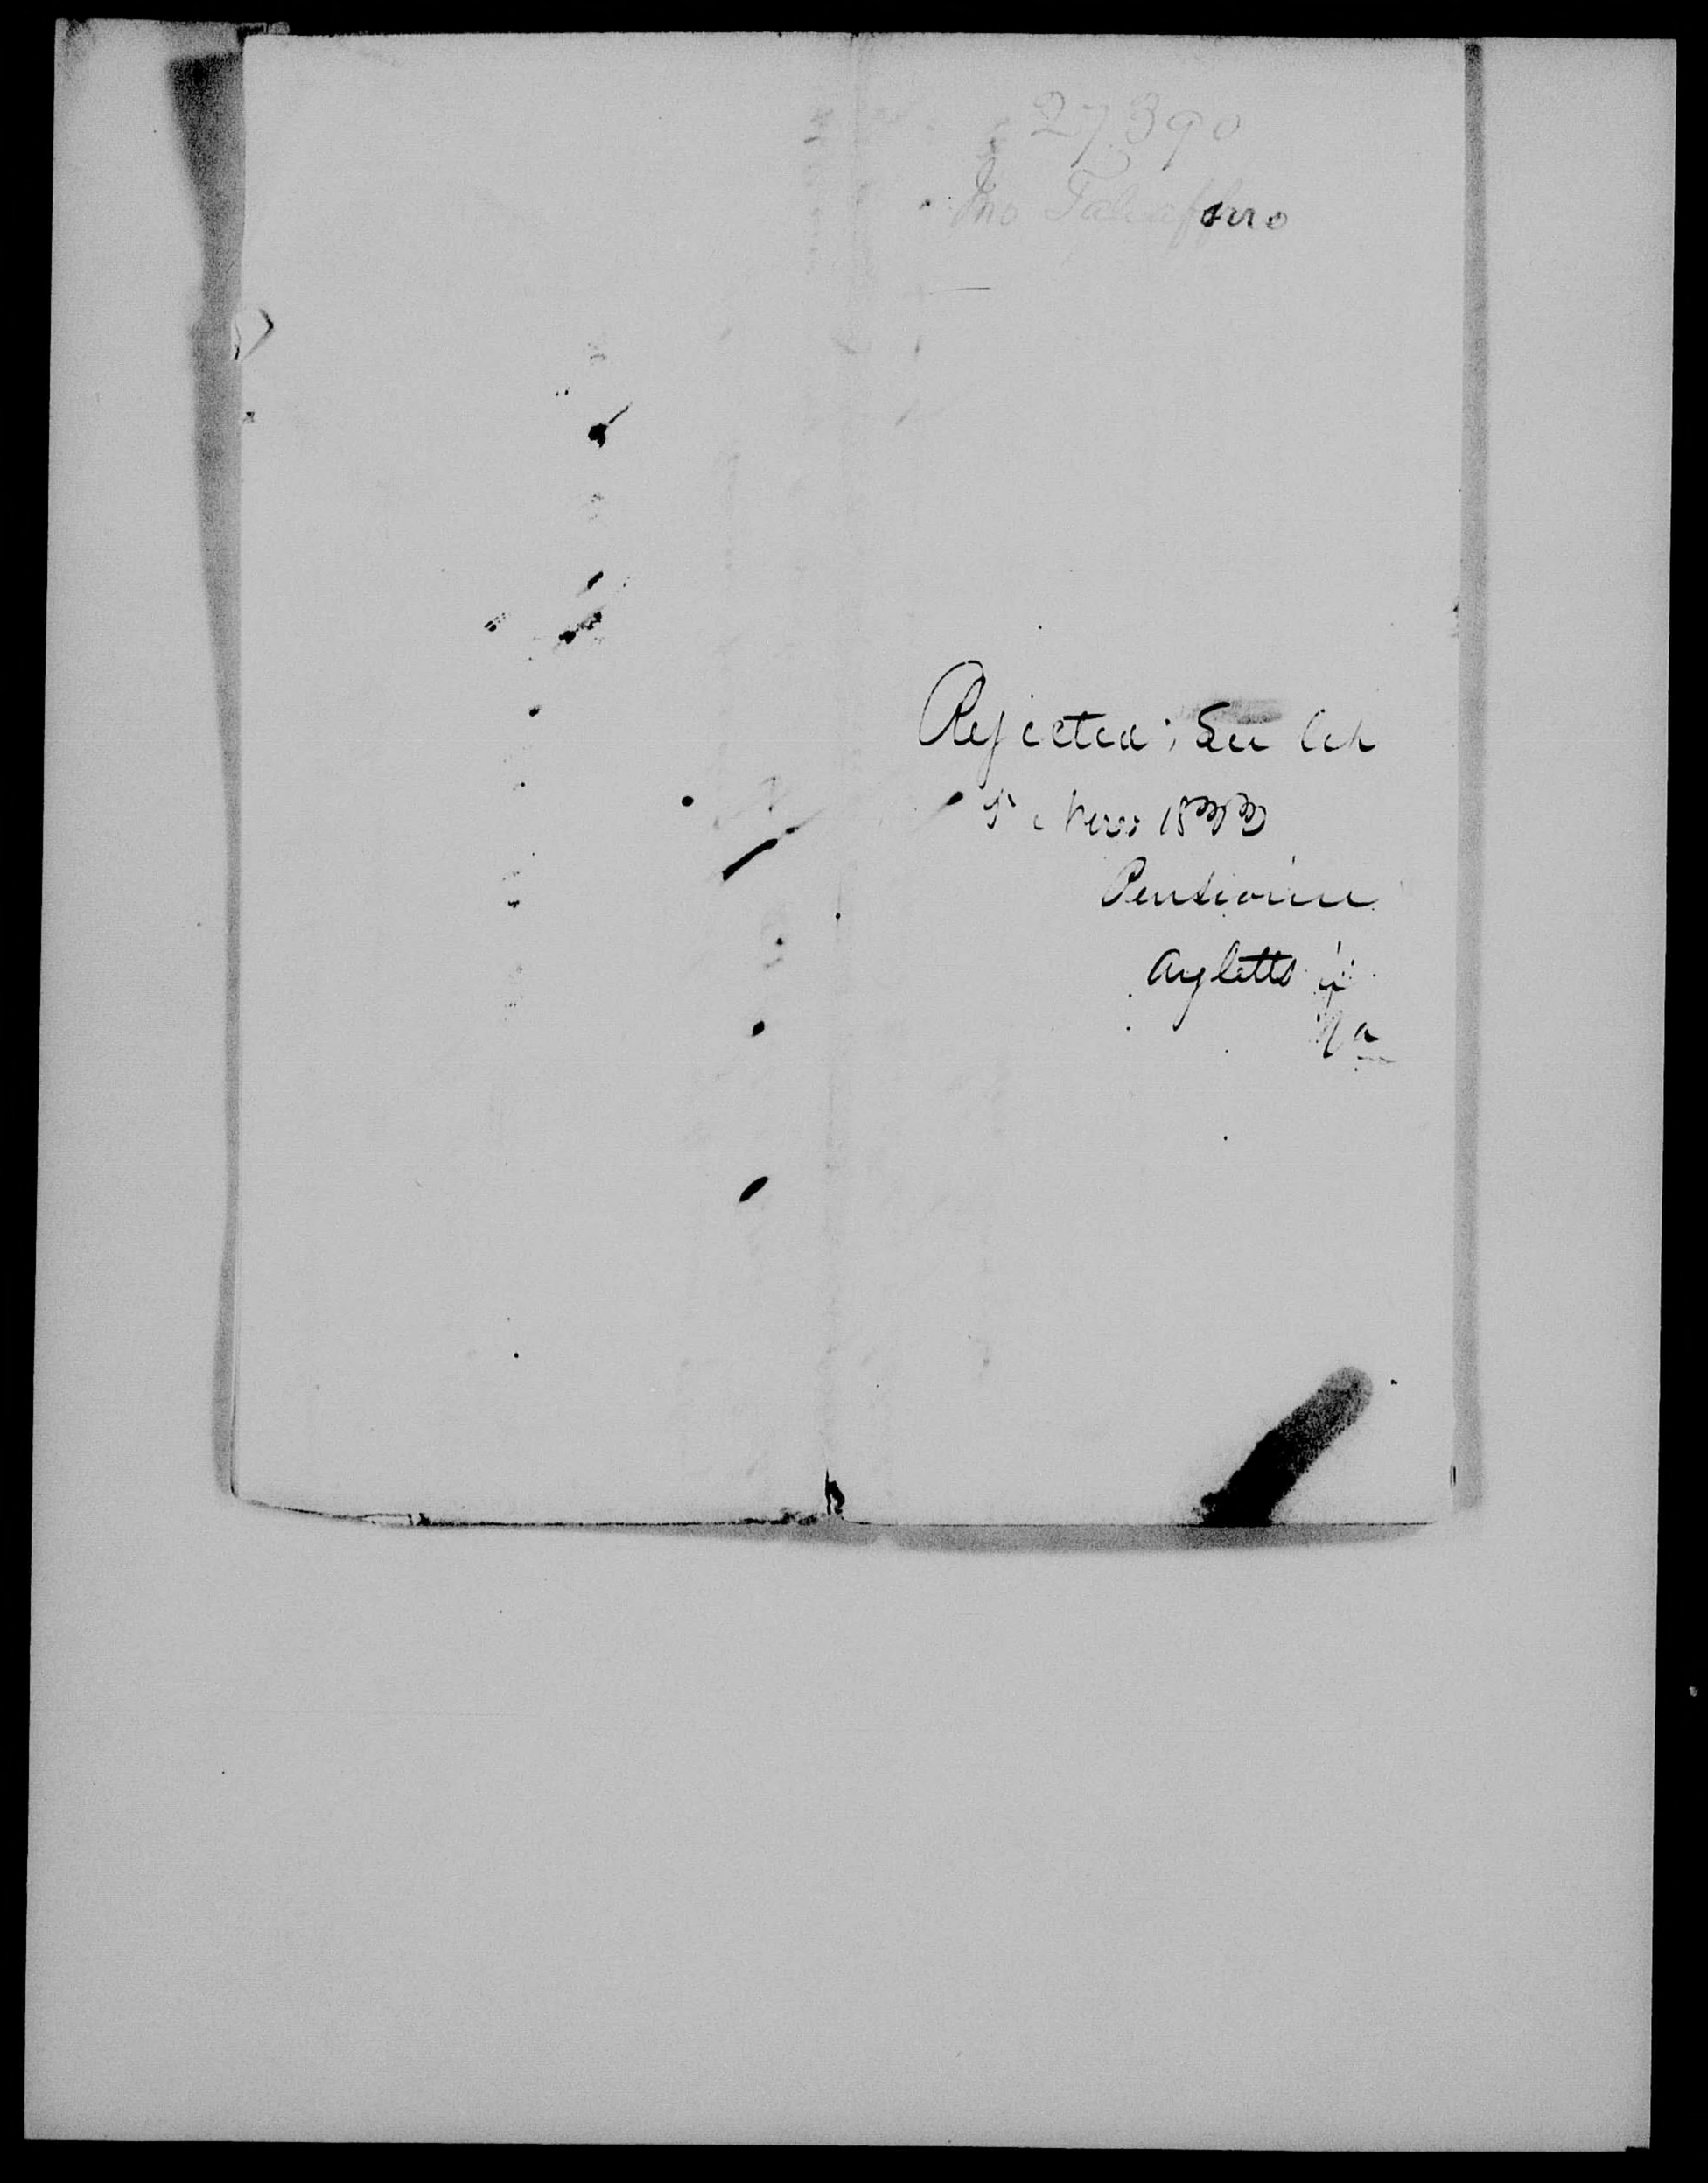27390
Jno Taliaferro

Rejected; See [illegible]
of Nov 1833
Pension
Ayletts
Va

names: Jno Taliaferro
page: 8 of 34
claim: survivor's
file: S. 19483, for John Taliaferro, Virginia